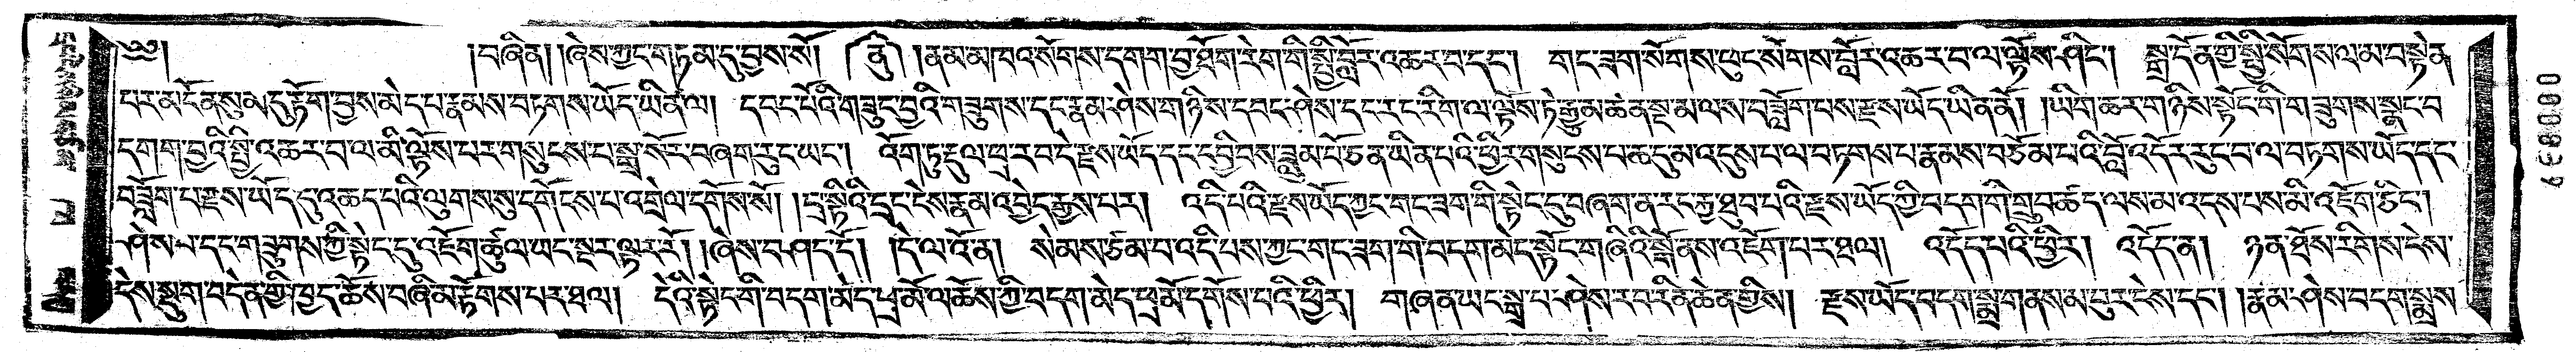༄༅། །བཞིན། །ཞེས་ཀྱང་གཏམ་དུ་བྱས་སོ། ༼ནུ༽ །ནམ་མཁའ་སོགས་དགག་བྱ་ཐོག་རེག་གི་སྤྱི་བློར་འཆར་བ་དང་། གང་ཟག་སོགས་ཕུང་སོགས་བློར་འཆར་བ་ལ་ལྟོས་ཤིང་། སྒྲ་དོན་གྱི་སྤྱི་སོགས་ལ་མ་བསྟེན་
པར་མངོན་སུམ་དུ་རྟོག་བྱས་མེད་པ་རྣམས་བཏགས་ཡོད་ཡིན་ལ། དབང་པོའི་གཟུང་བྱའི་གཟུགས་དང་རྣམ་ཤེས་གཉིས་དབང་ཤེས་དང་རང་རིག་ལ་ལྟོས་ཏེ་རྒྱུ་མཚན་སྔ་མ་ལས་བཟློག་པས་རྫས་ཡོད་ཡིན་ནོ། །ཡིག་ཆར་གཉིས་སྟོང་གི་གཟུགས་སྣང་བ་
དགག་བྱའི་སྤྱི་འཆར་བ་ལ་མི་ལྟོས་པར་གསུངས་པ་སྒྲ་སོར་བཞག་རུང་ཡང་། འོག་ཏུ་རྡུལ་ཕྲ་རབ་དེ་རྫས་ཡོད་དང་དབྱིབས་ཟླུམ་པོ་ཅན་ཡིན་པའི་ཕྱིར་གསུངས་པ་ཆ་དུ་མ་འདུས་པ་ལ་བཏགས་པ་རྣམས་བཅོམ་པའི་བློ་འདོར་རུང་བ་ལ་བཏགས་ཡོད་དང་
བཟློག་པ་རྫས་ཡོད་དུ་འཆད་པའི་ལུགས་སུ་དགོངས་པ་འགྲེལ་དགོས་སོ། །བྲ་སྟིའི་དྲང་ངེས་རྣམ་འབྱེད་རྒྱས་པར། འདི་པའི་རྫས་ཡོད་ཀྱང་གང་ཟག་གི་སྟེང་དུ་བཞག་ན་རང་རྐྱ་ཐུབ་པའི་རྫས་ཡོད་ཀྱི་བདག་གི་གྲུབ་ཚད་ལས་མ་འདས་པས་མི་འཇོག་ཅིང་།
ཤེས་པ་དང་གཟུགས་ཀྱི་སྟེང་དུ་འཇོག་ཚུལ་ཡང་སྔར་ལྟར་རོ། །ཞེས་བཤད་དོ། །དེ་ལ་འོ་ན། སེམས་ཙམ་པ་འདི་པས་ཀྱང་གང་ཟག་གི་བདག་མེད་སྟོང་གཞིའི་སྒོ་ནས་འཇོག་པར་ཐལ། འདོད་པའི་ཕྱིར། འདོད་ན། ཉན་ཐོས་རིགས་ངེས་
དེས་སྡུག་བདེན་གྱི་ཁྱད་ཆོས་བཞི་མ་རྟོགས་པར་ཐལ། དེའི་སྟེང་གི་བདག་མེད་ཕྲ་མོ་ལ་ཆོས་ཀྱི་བདག་མེད་ཕྲ་མོ་དགོས་པའི་ཕྱིར། གཞན་ཡང་སྒྲ་པ་ཤེས་རབ་རིན་ཆེན་གྱིས། རྫས་ཡོད་བདག་སྨྲ་གནས་མ་བུར་ངེས་དང་། །རྣམ་ཤེས་བདག་སྨྲས་